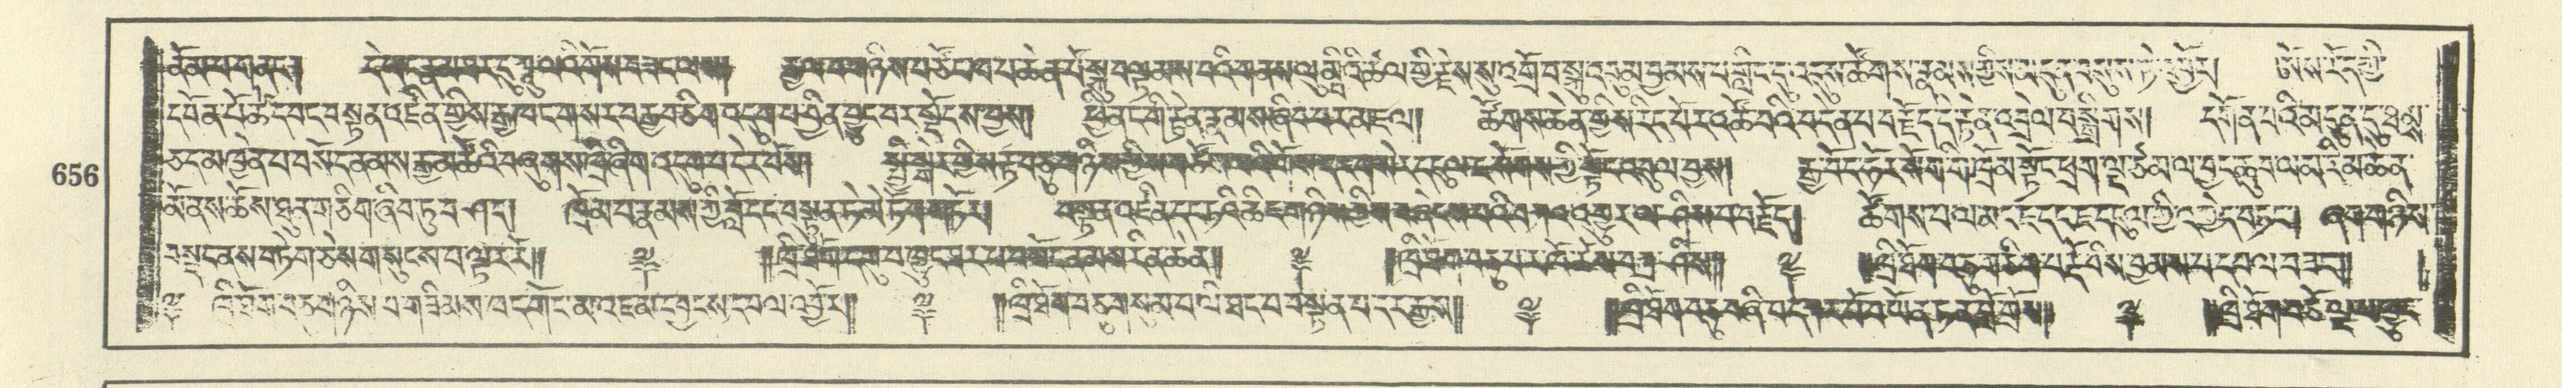ནོམ་པ་གནང་། དེ་ཡང་རྣམ་ཐར་དུ་ཀཱུ་ལའི་གོས་བཟང་ལས། རྒྱལ་བ་གཉིས་པ་ཙོང་ཁ་པ་ཆེན་པོ་སྐུ་བལྟམས་པའི་གནས་ལུམྦའི་ཚལ་གྱི་རྗེས་སུ་འགྲོ་བ་སྐུ་འབུམ་བྱམས་པ་གླིང་དུ་འདུས་ཚོགས་རྣམས་ཀྱིས་མདུན་བསུས་ཏེ་འབྱོར། ཨོས་རོད་ཀྱི་
དཔོན་པོ་ཚེ་དབང་བསྟན་འཛིན་གྱིས་རྒྱ་ཁང་གསར་བརྒྱབ་ཅིག་འདུག་པ་བྱིན་བྱུང་བར་སྡོང་ས་བྱས། ཕྱི་ནང་གི་རྟེན་རྣམས་ཞིབ་པར་མཇལ། ཚོགས་ཆེན་གྱིས་རིང་པོར་འཚོ་བའི་བདེན་པ་བརྗོད་དེ་རྟེན་འབྲེལ་བསྒྲིགས། དགོན་པའི་མདུན་དུ་ཐམས་
ཅད་མཁྱེན་པ་བསོད་ནམས་རྒྱ་མཚོའི་བཞུགས་ཁྲི་ཞིག་འདུག་པ་དེར་བོས། སྤྱི་སྒེར་གྱིས་རྟ་བཅུ་གཉིས་ཀྱིས་གཙོས་པའི་གོས་དར་གསེར་དངུལ་ཇ་སོགས་ཀྱི་སྟོང་འབུལ་བྱས། རྒྱ་བོད་ཧོར་སོག་གི་ཁྲོམ་སྟོང་ཕྲག་ལྔ་ཙམ་ལ་བྱང་ཆུབ་ལམ་རིམ་ཆེན་
མོ་ནས་ཆོས་ཐུན་གཅིག་ཞིབ་ཏུ་བཤད། ཁྲོམ་པ་རྣམས་ཀྱི་བློ་དང་བསྟུན་ཏེ་མེ་ཏོག་གཏོར། བསྟན་འཛིན་དང་ཏའི་ཆིང་གཉིས་ཀྱིས་བཞེངས་པའི་བཀའ་འགྱུར་ལ་ཤིས་པ་བརྗོད། ཚོགས་པ་ལ་མང་ཇ་དང་ཇ་དངུལ་གྱི་འགྱེད་བཏང་། ཞག་གཉིས་
བསྡང་ནས་བཏེག་ཅེས་གསུངས་པ་ལྟར་རོ།། ༈ །།ཁྲི་ཐོག་དགུ་པ་ཁྱུང་ཐར་པ་བསོད་ནམས་རིན་ཆེན།། ༈ །།ཁྲི་ཐོག་བཅུ་པར་ཁོ་ཆོས་བཀྲ་ཤིས།། ༈ །།ཁྲི་ཐོག་བཅུ་གཅིག་པ་རྡོ་བིས་བྱམས་པ་དཔལ་བཟང།། །།
༈ ཁྲི་ཐོག་བཅུ་གཉིས་པ་གཟིམས་ཁང་གོང་མ་འཇམ་དབྱངས་དཔལ་འབྱོར།། ༈ །།ཁྲི་ཐོག་བཅུ་གསུམ་པ་ལི་ཐང་པ་བསྟན་པ་དར་རྒྱས།། ༈ །།ཁྲི་ཐོག་བཅུ་བཞི་པ་དཀར་པོ་བ་ཡོན་ཏན་བློ་གྲོས།། ༈ །།ཁྲི་ཐོག་བཅོ་ལྔ་པ་ཁྱུང་